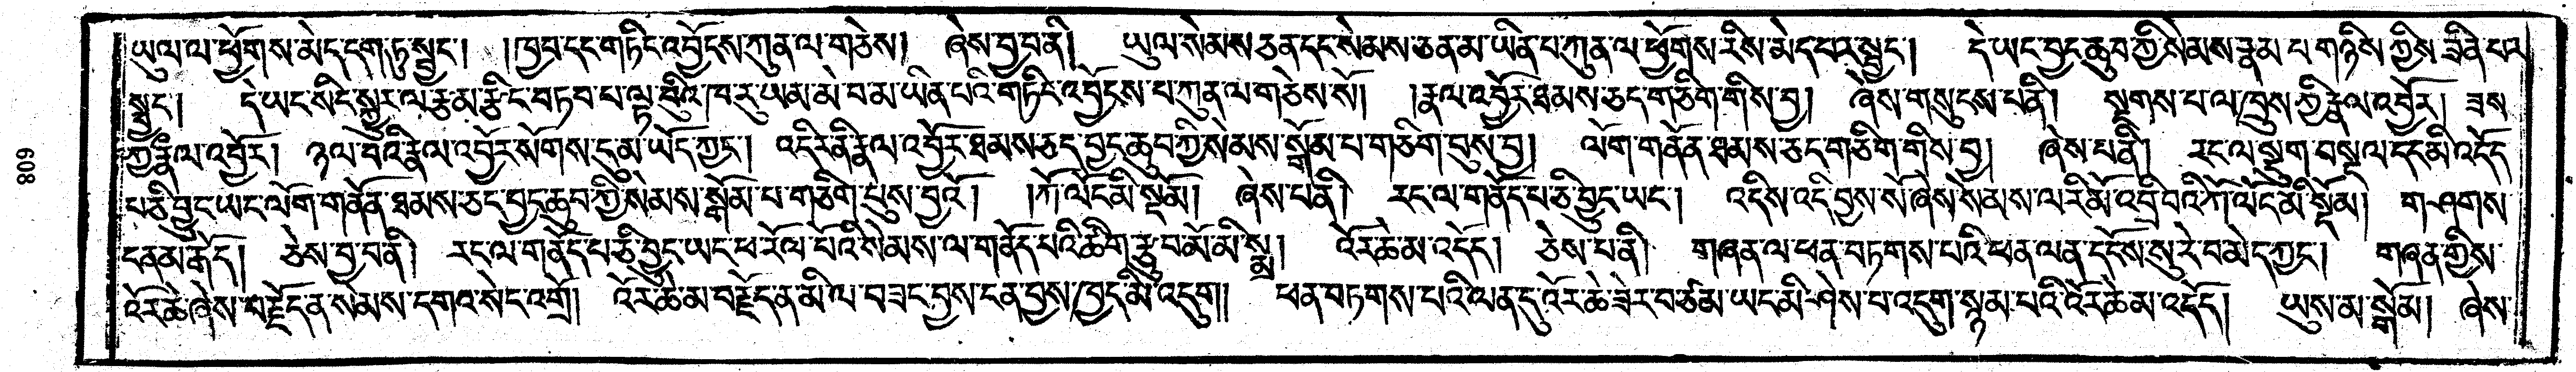ཡུལ་ལ་ཕྱོགས་མེད་དག་ཏུ་སྦྱང་། །ཁྱབ་དང་གཏིང་འབྱོངས་ཀུན་ལ་གཅེས། ཞེས་བྱ་བ་ནི། ཡུལ་སེམས་ཅན་དང་སེམས་ཅན་མ་ཡིན་པ་ཀུན་ལ་ཕྱོགས་རིས་མེད་པར་སྦྱང་། དེ་ཡང་བྱང་ཆུབ་ཀྱི་སེམས་རྣམ་པ་གཉིས་ཀྱིས་ཟིན་པར་
སྦྱང་། དེ་ཡང་སིང་སྐྱུར་ལ་རྩམ་རྩིང་བཏབ་པ་ལྟ་བུའི་ཁ་རུ་ཡམ་མེ་བ་མ་ཡིན་པའི་གཏིང་འབྱོངས་པ་ཀུན་ལ་གཅེས་སོ། །རྣལ་འབྱོར་ཐམས་ཅད་གཅིག་གིས་བྱ། ཞེས་གསུངས་པ་ནི། སྔགས་པ་ལ་ཁྲུས་ཀྱི་རྣལ་འབྱོར། ཟས་
ཀྱྀ་རྣལ་འབྱོར། ཉལ་བའི་རྣལ་འབྱོར་སོགས་དུ་མ་ཡོད་ཀྱང་། འདིར་ནི་རྣལ་འབྱོར་ཐམས་ཅད་བྱང་ཆུབ་ཀྱི་སེམས་སྒོམ་པ་གཅིག་བུས་བྱ། ལོག་གནོན་ཐམས་ཅད་གཅིག་གིས་བྱ། ཞེས་པ་ནི། རང་ལ་སྡུག་བསྔལ་དང་མི་འདོད་
པ་ཅི་བྱུང་ཡང་ལོག་གནོན་ཐམས་ཅད་བྱང་ཆུབ་ཀྱི་སེམས་སྒོམ་པ་གཅིག་པུས་བྱའོ། །ཀོ་ལོང་མི་སྔོམ། ཞེས་པ་ནི། རང་ལ་གནོད་པ་ཅི་བྱུང་ཡང་། འདིས་འདི་བྱས་སོ་ཞེས་སེམས་ལ་རི་མོ་འབྲི་བའི་ཀོ་ལོང་མི་སྔོམ། གཤགས་
ངན་མ་རྒོད། ཅེས་བྱ་བ་ནི། རང་ལ་གནོད་པ་ཅི་བྱུང་ཡང་ཕ་རོལ་པོའི་སེམས་ལ་གནོད་པའི་ཚིག་རྩུབ་མོ་མི་སྨྲ། འོར་ཆེ་མ་འདོད། ཅེས་པ་ནི། གཞན་ལ་ཕན་བཏགས་པའི་ཕན་ལན་དངོས་སུ་རེ་བ་མེད་ཀྱང་། གཞན་གྱིས་
འོར་ཆེ་ཞེས་བརྗོད་ན་སེམས་དགའ་སེང་འགྲོ། འོར་ཆེ་མ་བརྗོད་ན་མི་ལ་བཟང་བྱས་ངན་བྱས་ཁྱད་མི་འདུག། ཕན་བཏགས་པའི་ལན་དུ་འོར་ཆེ་ཟེར་བ་ཙམ་ཡང་མི་ཤེས་པ་འདུག་སྙམ་པའི་འོར་ཆེ་མ་འདོད། ཡུས་མ་སྒོམ། ཞེས་